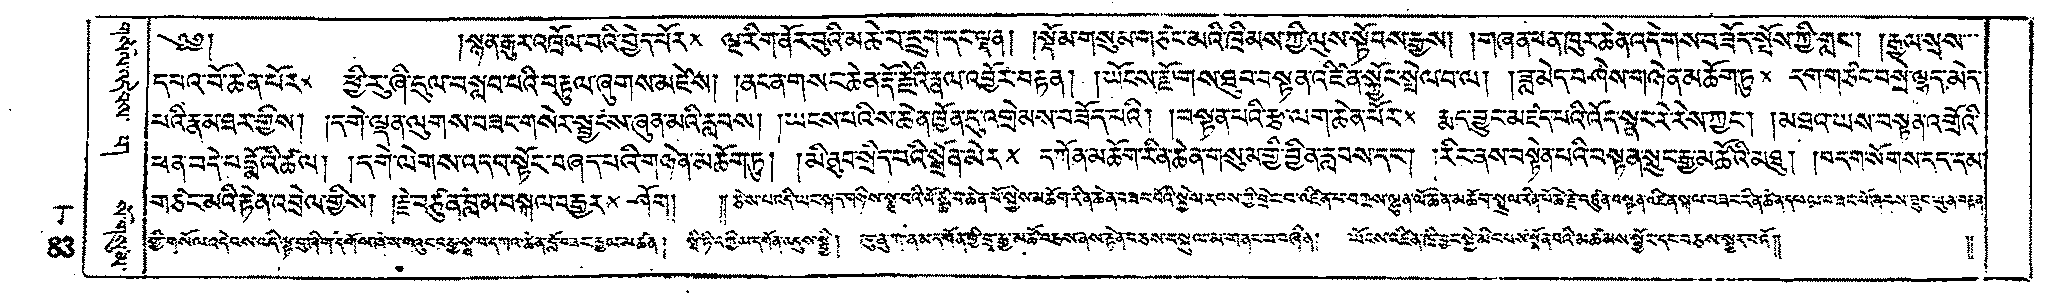༄༅། །སྙན་རྒུར་འཁྲོལ་བའི་བྱེད་པོར་྾་ལྔ་རིག་ནོར་བུའི་མཆེ་བ་དྲུག་དང་ལྡན། །སྡོམ་གསུམ་གཙང་མའི་ཁྲིམས་ཀྱི་ལུས་སྟོབས་རྒྱས། །གཞན་ཕན་ཁུར་ཆེན་འདེགས་བཟོད་སྤོས་ཀྱི་གླང་། །རྒྱལ་སྲས་་་
དཔའ་བོ་ཆེན་པོར་྾་ཕྱི་རུ་ཞི་དུལ་བསླབ་པའི་བརྟུལ་ཞུགས་མཛེས། །ནང་ན་གསང་ཆེན་རྡོ་རྗེའི་རྣལ་འབྱོར་བརྟན། །ཡོངས་རྫོགས་ཐུབ་བསྟན་འཛིན་སྐྱོང་སྤེལ་བ་ལ། །ཟླ་མེད་བཤེས་གཉེན་མཆོག་ཏུ་྾་དག་གཙང་བསྲེ་ལྷད་མེད་
པའི་རྣམ་ཐར་གྱིས་྾་།དགེ་ལྡན་ལུགས་བཟང་གསེར་སྦྱངས་ཞུན་མའི་རླབས། །ཡངས་པའི་ས་ཆེན་ཁྱོན་དུ་འགྲེམས་བཟོད་པའི། །བསྟན་པའི་རྩ་ལག་ཆེན་པོར་྾་རྨད་བྱུང་མཛད་པའི་འོད་སྣང་རེ་རེས་ཀྱང་། །མཐའ་ཡས་བསྟན་འགྲོའི་
ཕན་བདེ་པདམོའི་ཚལ། །དགེ་ལེགས་འདབ་སྟོང་བཞད་པའི་གཉེན་མཆོག་ཏུ། །མི་ནུབ་སྲིད་པའི་སྒྲོན་མེར་྾་དཀོན་མཆོག་རིན་ཆེན་གསུམ་གྱིས་བྱིན་རླབས་དང་། །རིང་ནས་བསྟེན་པའི་བསྟན་སྲུང་རྒྱ་མཚོའི་མཐུ། །བདག་སོགས་དད་དམ་
གཙང་མའི་རྟེན་འབྲེལ་གྱིས། །རྗེ་བཙུན་བླ་མ་བསྐལ་བརྒྱར་྾་ཤོག། །། ཅེས་པ་འདི་ཡང་སྐད་གཉིས་སྨྲ་བའི་ལོ་ཙྪ་བ་ཆེན་པོ་སྐྱེས་མཆོག་རིན་ཆེན་བཟང་པོའི་སྐྱེས་རབས་ཀྱི་ཕྲེང་བ་འཛིན་བཀྲས་ལྷུན་ལོ་ཆེན་མཆོག་སྤྲུལ་རིན་པོ་ཆེ་རྗེ་བཙུན་བསྟན་འཛིན་སྐལ་བཟང་རིན་ཆེན་དཔལ་བཟང་པོ་ཞབས་ཡུན་བརྟན་
གྱི་གསོལ་འདེབས་འདི་ལྟ་བུ་ཞིག་དགོས་ཞེས་བརྒྱ་སྨྲ་བ་དཀའ་ཆེན་བློ་བཟང་རྒྱལ་མཚན། སྤི་ཏི་དཀྱིལ་དགོན་འདུས་སྤྱི། །ཁུ་ན་ཀ་ནམ་དགོན་གྱི་གྲྭ་རྒྱ་མཚོ་བཅས་ནས་རྟེན་བཅས་བསྐུལ་མ་གནང་བ་བཞིན། ཡོངས་འཛིན་ཁྲི་བྱང་སྐྱེ་མིང་པས་སྨོན་པའི་མཚམས་སྦྱོར་དང་བཅས་སྦྱར་བའོ།། །།